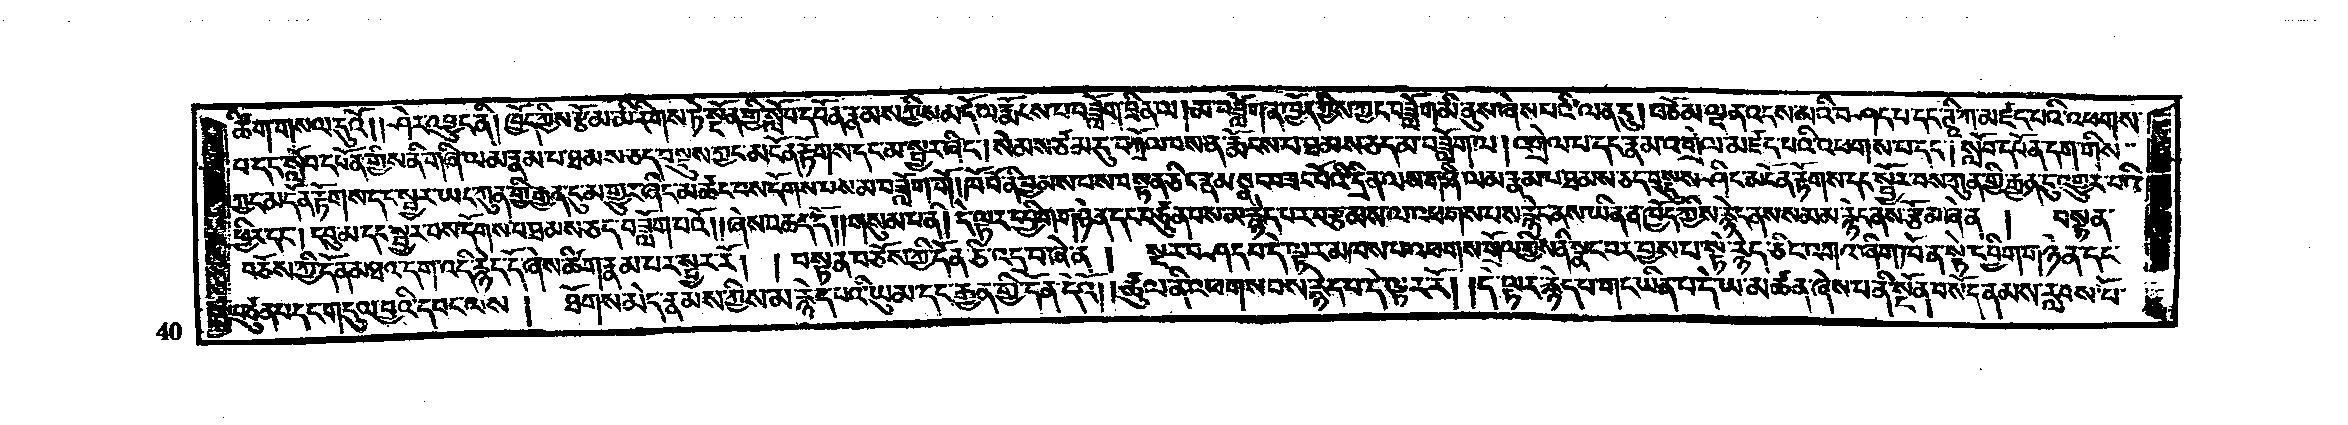ཚིག་གསལ་དུའོ། །ཤེར་འབྱུང་ནི། ཁྱོད་ཀྱིས་རྩོམ་མི་རིགས་ཏེ་སྔོན་གྱི་སློབ་དཔོན་རྣམས་ཀྱིས་མདོ་ལ་རྨོངས་པ་བཟློག་ཟིན་ལ། མ་བཟློག་ན་ཁྱོད་ཀྱིས་ཀྱང་བཟློག་མི་ནུས་ཞེས་པའི་ལན་དུ། བཅོམ་ལྡན་འདས་མའི་བཤད་པ་དང་ཊཱི་ཀ་མཛད་པའི་འཕགས་
པ་དང་སློབ་དཔོན་གྱིས་ནི་གཞི་ལམ་རྣམ་པ་ཐམས་ཅད་བསྡུས་ཀྱང་མངོན་རྟོགས་དང་མ་སྦྱར་ཞིང་། སེམས་ཙམ་དུ་བཀྲོལ་བས་ན་རྨོངས་པ་ཐམས་ཅད་མ་བཟློག་ལ། འགྲེལ་པ་དང་རྣམ་འགྲེལ་མཛད་པའི་འཕགས་པ་དང་། སློབ་དཔོན་དག་གིས་
ཀྱང་མངོན་རྟོགས་དང་སྦྱར་ཡང་ཀུན་གྱི་རྒྱན་དུ་མ་གྱུར་ཞིང་མ་ཚང་བས་དོགས་པས་མ་བཟློག་གོ །ཁོ་བོ་ནི་བྱམས་པས་བསྟན་ཅིང་རྣམ་སྣང་བཟང་པོའི་དྲིན་ལས་གཞི་ལམ་རྣམ་པ་ཐམས་ཅད་བསྡུས་ཤིང་མངོན་རྟོགས་དང་སྦྱོར་བས་ཀུན་གྱི་རྒྱན་དུ་འགྱུར་བའི་
ཕྱིར་དང་། དབུ་མ་དང་སྦྱར་བས་དོགས་པ་ཐམས་ཅད་བཟློག་པའོ། །ཞེས་འཆད་དོ། །གསུམ་པ་ནི། དེ་ལྟར་དབྱིག་གཉེན་དང་བཙུན་པས་མ་རྙེད་པར་བརྩམས་ལ་འཕགས་པས་རྙེད་ནས་ཡིན་ན་ཁྱོད་ཀྱིས་རྙེད་ནས་སམ་མ་རྙེད་ནས་རྩོམ་ཞེ་ན། བསྟན་
བཅོས་ཀྱི་དོན་མཐའ་དག་འདི་རྙེད་དོ་ཞེས་ཚིག་རྣམ་པར་སྦྱར་རོ། །བསྟན་བཅོས་ཀྱི་དོན་ཅི་འདྲ་བ་ཞེ་ན། སྔར་བཤད་པ་དེ་ལྟར་མཁས་པ་འཕགས་གྲོལ་གྱིས་ནི་སྣང་བར་བྱས་པ་སྟེ་རྙེད་ཅིང་འགའ་ཞིག་ཁོ་ན་སྟེ་དབྱིག་གཉེན་དང་
བཙུན་པ་དང་གདུལ་བྱའི་དབང་ལས། ཐོགས་མེད་རྣམས་ཀྱིས་མ་རྙེད་པའི་ཡུམ་དང་རྒྱན་གྱི་དོན་དེའོ། །ཚུལ་ནི་འཕགས་པས་རྙེད་པ་དེ་ལྟར་རོ། །དེ་ལྟར་རྙེད་པ་གང་ཡིན་པ་དེ་ཡ་མཚན་ཞེས་པ་ནི་སྔོན་བསོད་ནམས་རླབས་པོ་